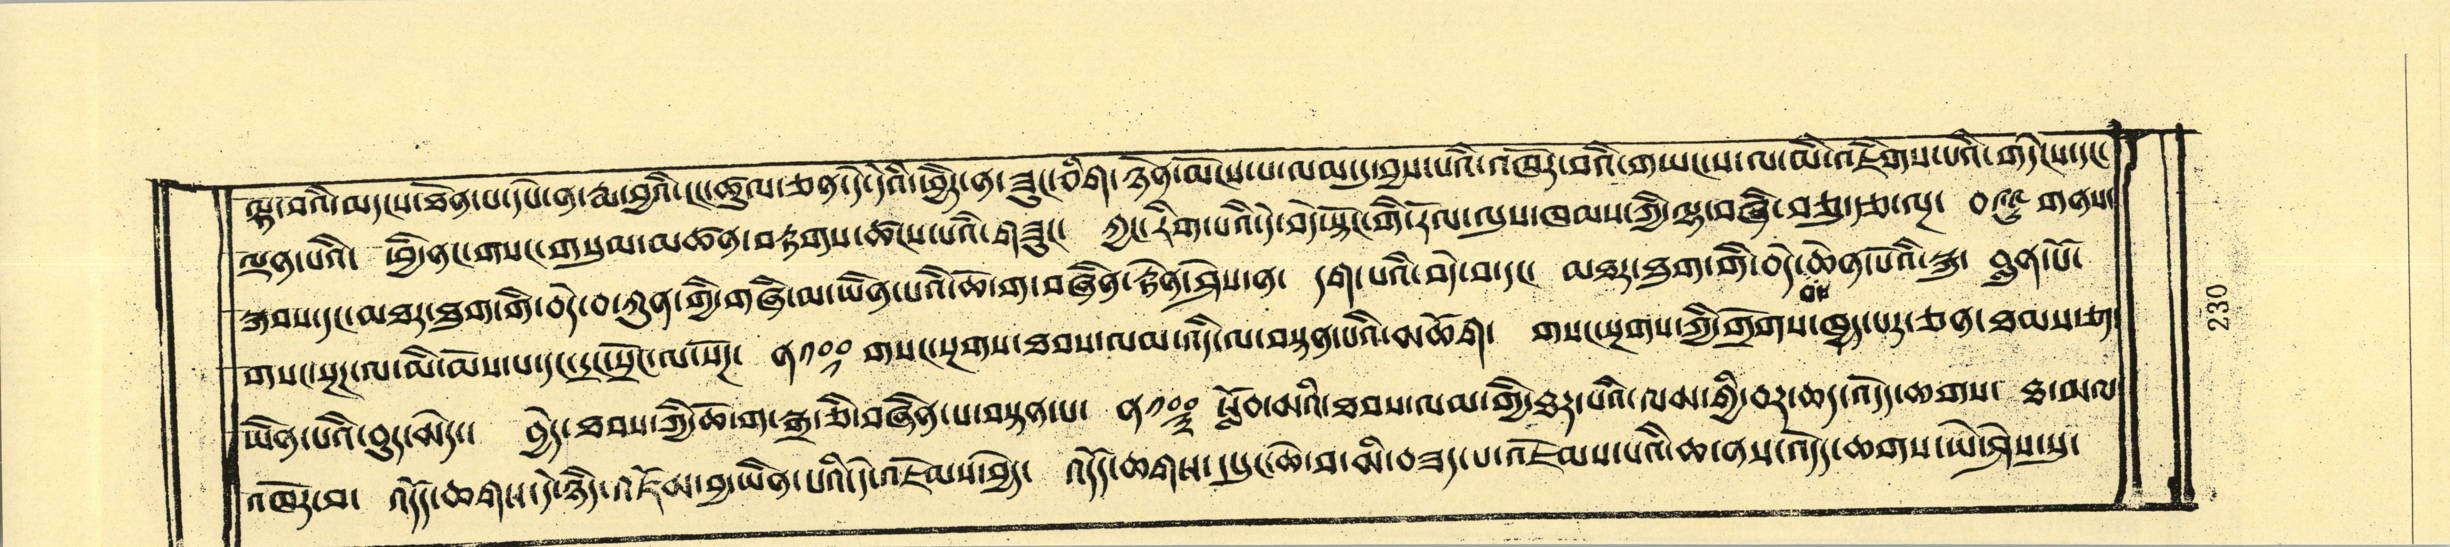ལྟ་བའི་མདངས་ཐོན་པ་དཔེ་ན་རྨ་བྱའི་ངང་ཚུལ་ཅན་དེ་དེའི་ཕྱིར་ན་ཟུང་ཅིག་ཉོན་མོངས་པ་ལམ་དུ་བྱས་པའི་འཁོར་བའི་གཡང་ས་ལ་མི་འཇིགས་པའི་གདེངས་དང་
ལྡན་པའི། ཕྱི་ནང་གསང་གསུམ་མཚན་བརྟགས་ཚངས་པའི་གཟུང་ ཀྱང་རིག་པའི་དེ་བདེ་སྟོང་གི་རོལ་ལུས་ཁམས་ཀྱི་ལྷ་བཞི་བཅུ་རྩ་ལྔ། བ༩༩།༦ གནས་
སྐབས་དང་མཐར་ཐུག་གི་བདེ་བ་ཀུན་གྱི་གཞི་མ་ཡིན་པའི་ཆོ་ག་བཞིན་རྟེན་ཤེས་ན། དག་པའི་བདེ་བ་དང། མཐར་ཐུག་གི་བདེ་བ་ཆེན་པོའི་སྐུ། བླུན་པོ་
གསང་སྔགས་ལ་མི་མོས་པ་དང་དྲང་སྲོང་ལ་སོགས། ན༡༠༠།༡ གསང་སྔགས་ཐབས་ལམ་འདི་ལ་བསྟན་པའི་མཆོག་ གསང་སྔགས་ཀྱི་གྲོགས་ཁྱད་པར་ཅན་ཐམས་ཅད་
ཡིན་པའི་བུད་མེད་ བྱེད་ཐབས་ཀྱི་ཆོ་ག་སྒྲ་ཅི་བཞིན་པ་བསྟན་པ། ན༡༠༠།༣ སློབ་མའི་ཐབས་ལམ་གྱི་ཐར་པའི་ལམ་གྱི་བར་ཆད་འདོད་ཆགས་ ཐ་མལ་
འཁོར་བ། འདོད་ཆགས་དེ་ཉིད་འཇོམ་བྱ་ཡིན་པའི་དེ་འཇོམས་བྱེད། འདོད་ཆགས་དཔུང་ཆེ་བ་མི་བཟད་པ་འཇོམས་པའི་ཆ་ནས་འདོད་ཆགས་ཡེ་ཤེས་སུ་